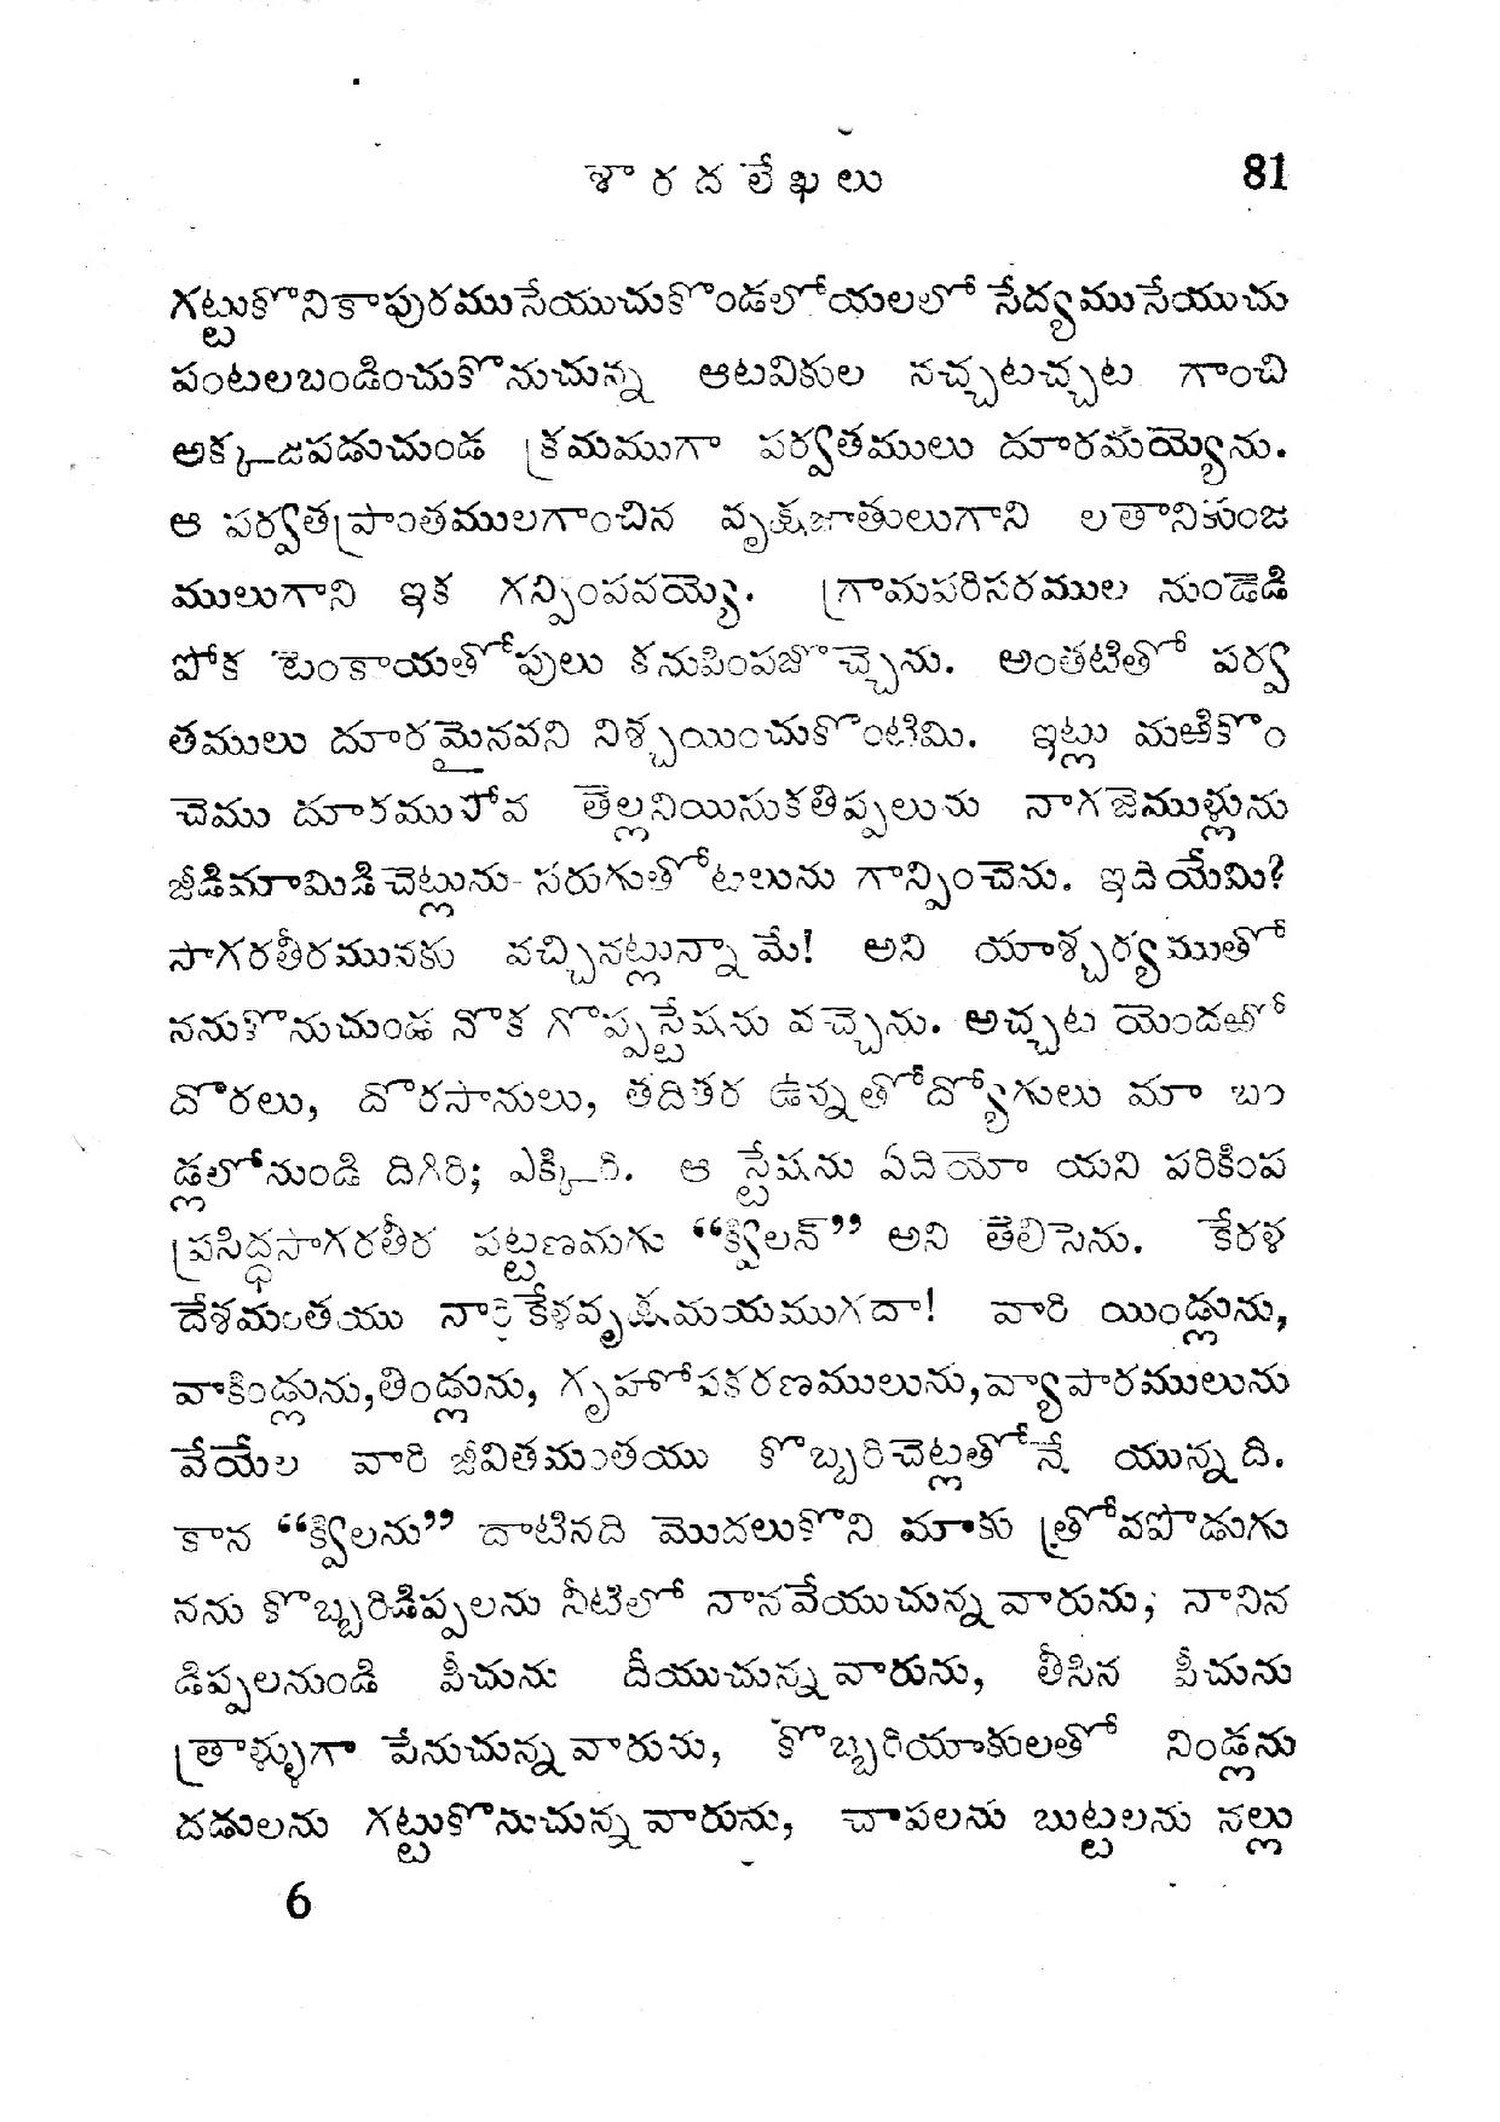గట్టుకొనికాపురముసేయుచుకొండలోయలలో సేద్యముసేయుచు పంటలబండించుకొనుచున్న ఆటవికుల నచ్చటచ్చట గాంచి అక్కజపడుచుండ క్రమముగా పర్వతములు దూరమయ్యెను. ఆ పర్వతప్రాంతములగాంచిన వృక్షజాతులుగాని లతానికుంజములుగాని ఇక గన్పింపవయ్యె. గ్రామపరిసరముల నుండెడి పోక టెంకాయతోపులు కనుపింపజొచ్చెను. అంతటితో పర్వతములు దూరమైనవని నిశ్చయించుకొంటిమి. ఇట్లు మఱికొంచెము దూరముపోవ తెల్లనియిసుకతిప్పలును నాగజెముళ్లును
జీడిమామిడిచెట్లును సరుగుతోటలును గాన్పించెను. ఇదియేమి? సాగరతీరమునకు వచ్చినట్లున్నామే! అని యాశ్చర్యముతో ననుకొనుచుండ నొక గొప్పస్టేషను వచ్చెను. అచ్చట యెందఱో దొరలు, దొరసానులు, తదితర ఉన్నతోద్యోగులు మా బండ్లలోనుండి దిగిరి; ఎక్కిరి. ఆ స్టేషను ఏదియో యని పరికింప ప్రసిద్ధసాగరతీర పట్టణమగు "క్విలన్" అని తెలిసెను. కేరళ దేశమంతయు నారికేళవృక్షమయముగదా! వారి యిండ్లును,
వాకిండ్లును, తిండ్లును, గృహోపకరణములును, వ్యాపారములును వేయేల వారి జీవితమంతయు కొబ్బరిచెట్లతోనే యున్నది. కాన “క్విలను” దాటినది మొదలుకొని మాకు త్రోవపొడుగునను కొబ్బరిడిప్పలను నీటిలో నానవేయుచున్నవారును, నానిన డిప్పలనుండి పీచును దీయుచున్నవారును, తీసిన పీచును
త్రాళ్ళుగా పేనుచున్నవారును, కొబ్బరియాకులతో నిండ్లను దడులను గట్టుకొనుచున్నవారును, చాపలను బుట్టలను నల్లు